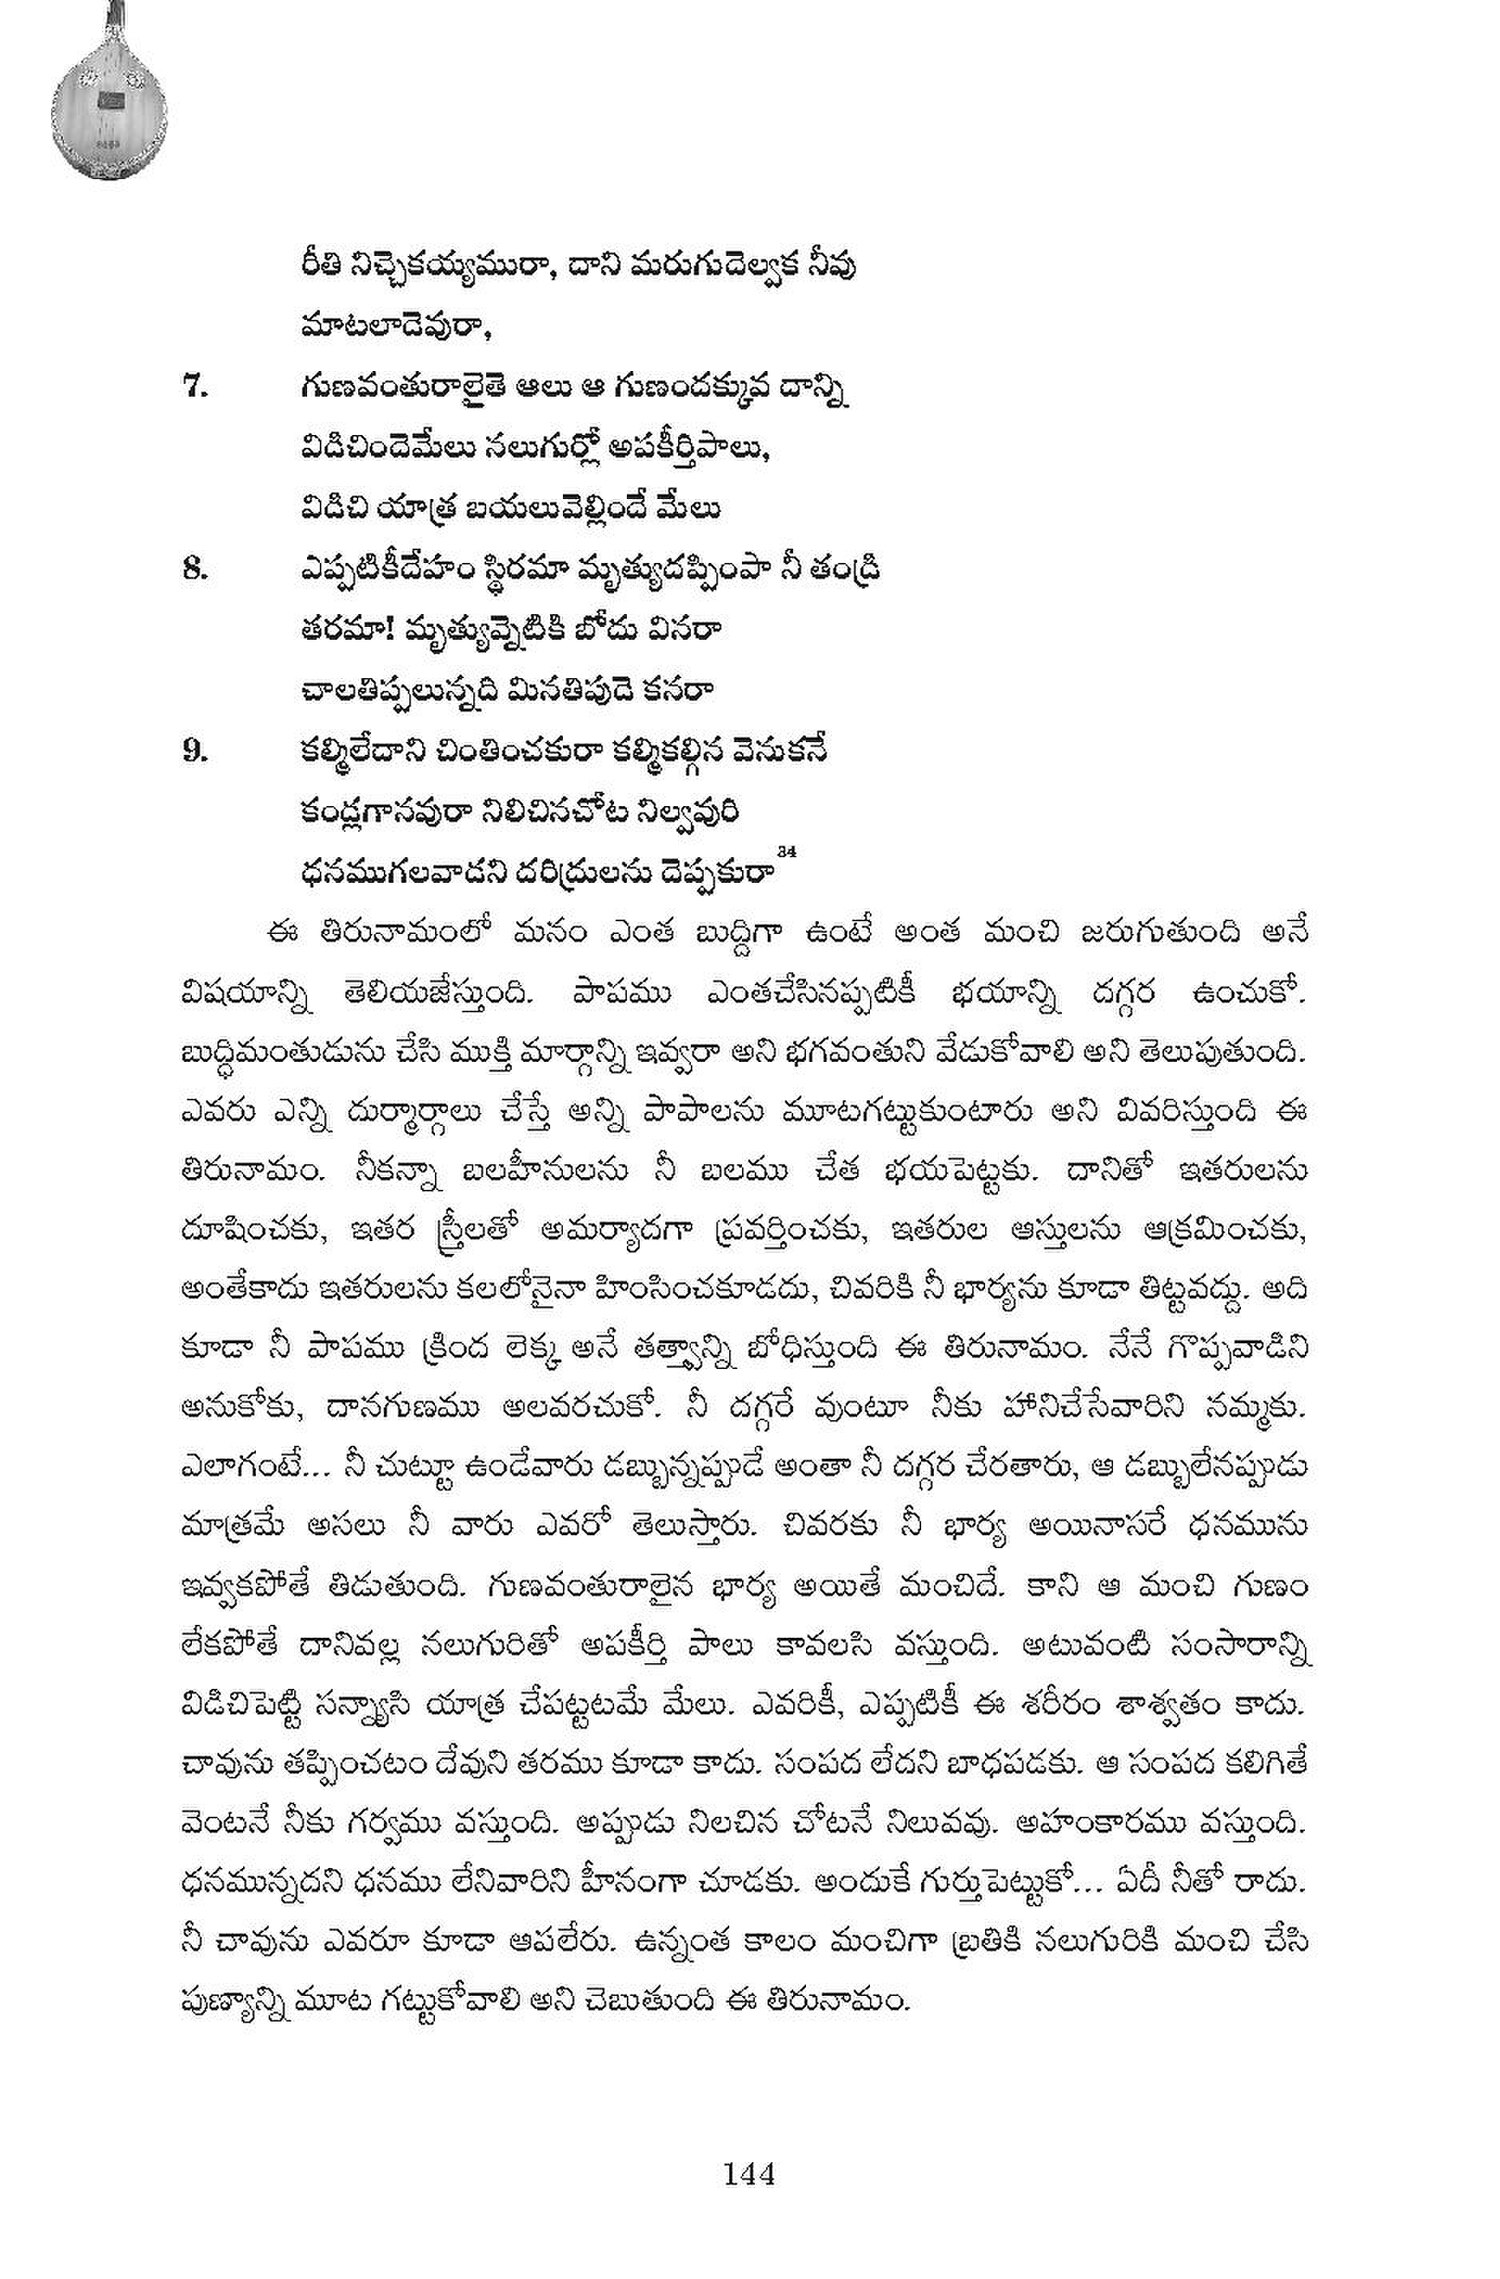రీతి నిచ్చెకయ్యమురా, దాని మరుగుదెల్వక నీవు
మాటలాడెవురా,

7. గుణవంతురాలైతె ఆలు ఆ గుణందక్కువ దాన్ని
విడిచిందెమేలు నలుగుర్లో అపకీర్తిపాలు,
విడిచి యాత్ర బయలువెల్లిందే మేలు

8. ఎప్పటికీదేహం స్థిరమా మృత్యుదప్పింపా నీ తండ్రి
తరమా! మృత్యువ్నెటికి బోదు వినరా
చాలతిప్పలున్నది మినతిపుడె కనరా

9. కల్మిలేదాని చింతించకురా కల్మికల్గిన వెనుకనే
కండ్లగానవురా నిలిచినచోట నిల్వవురి
ధనముగలవాడని దరిద్రులను దెప్పకురా34

ఈ తిరునామంలో మనం ఎంత బుద్దిగా ఉంటే అంత మంచి జరుగుతుంది అనే విషయాన్ని తెలియజేస్తుంది. పాపము ఎంతచేసినప్పటికీ భయాన్ని దగ్గర ఉంచుకో. బుద్ధిమంతుడును చేసి ముక్తి మార్గాన్ని ఇవ్వరా అని భగవంతుని వేడుకోవాలి అని తెలుపుతుంది. ఎవరు ఎన్ని దుర్మార్గాలు చేస్తే అన్ని పాపాలను మూటగట్టుకుంటారు అని వివరిస్తుంది ఈ తిరునామం. నీకన్నా బలహీనులను నీ బలము చేత భయపెట్టకు. దానితో ఇతరులను దూషించకు, ఇతర స్త్రీలతో అమర్యాదగా ప్రవర్తించకు, ఇతరులు ఆస్తులను ఆక్రమించకు, అంతేకాదు ఇతరులను కలలోనైనా హింసించకూడదు, చివరికి నీ భార్యను కూడా తిట్టవద్దు. అది కూడా నీ పాపము క్రింద లెక్క అనే తత్త్వాన్ని బోధిస్తుంది ఈ తిరునామం. నేనే గొప్పవాడిని అనుకోకు, దానగుణము అలవరచుకో. నీ దగ్గరే వుంటూ నీకు హానిచేసేవారిని నమ్మకు. ఎలాగంటే... నీ చుట్టూ ఉండేవారు డబ్బున్నప్పుడే అంతా నీ దగ్గర చేరతారు, ఆ డబ్బులేనప్పుడు మాత్రమే అసలు నీ వారు ఎవరో తెలుస్తారు. చివరకు నీ భార్య అయినాసరే ధనమును ఇవ్వకపోతే తిడుతుంది. గుణవంతురాలైన భార్య అయితే మంచిదే. కాని ఆ మంచి గుణం లేకపోతే దానివల్ల నలుగురితో అపకీర్తి పాలు కావలసి వస్తుంది. అటువంటి సంసారాన్ని విడిచిపెట్టి సన్న్యాసి యాత్ర చేపట్టటమే మేలు. ఎవరికీ, ఎప్పటికీ ఈ శరీరం శాశ్వతం కాదు. చావును తప్పించటం దేవుని తరము కూడా కాదు. సంపద లేదని బాధపడకు. ఆ సంపద కలిగితే వెంటనే నీకు గర్వము వస్తుంది. అప్పుడు నిలచిన చోటనే నిలువవు. అహంకారము వస్తుంది. ధనమున్నదని ధనము లేనివారిని హీనంగా చూడకు. అందుకే గుర్తుపెట్టుకో... ఏదీ నీతో రాదు. నీ చావును ఎవరూ కూడా ఆపలేరు. ఉన్నంత కాలం మంచిగా బ్రతికి నలుగురికి మంచి చేసి పుణ్యాన్ని మూట గట్టుకోవాలి అని చెబుతుంది ఈ తిరునామం.